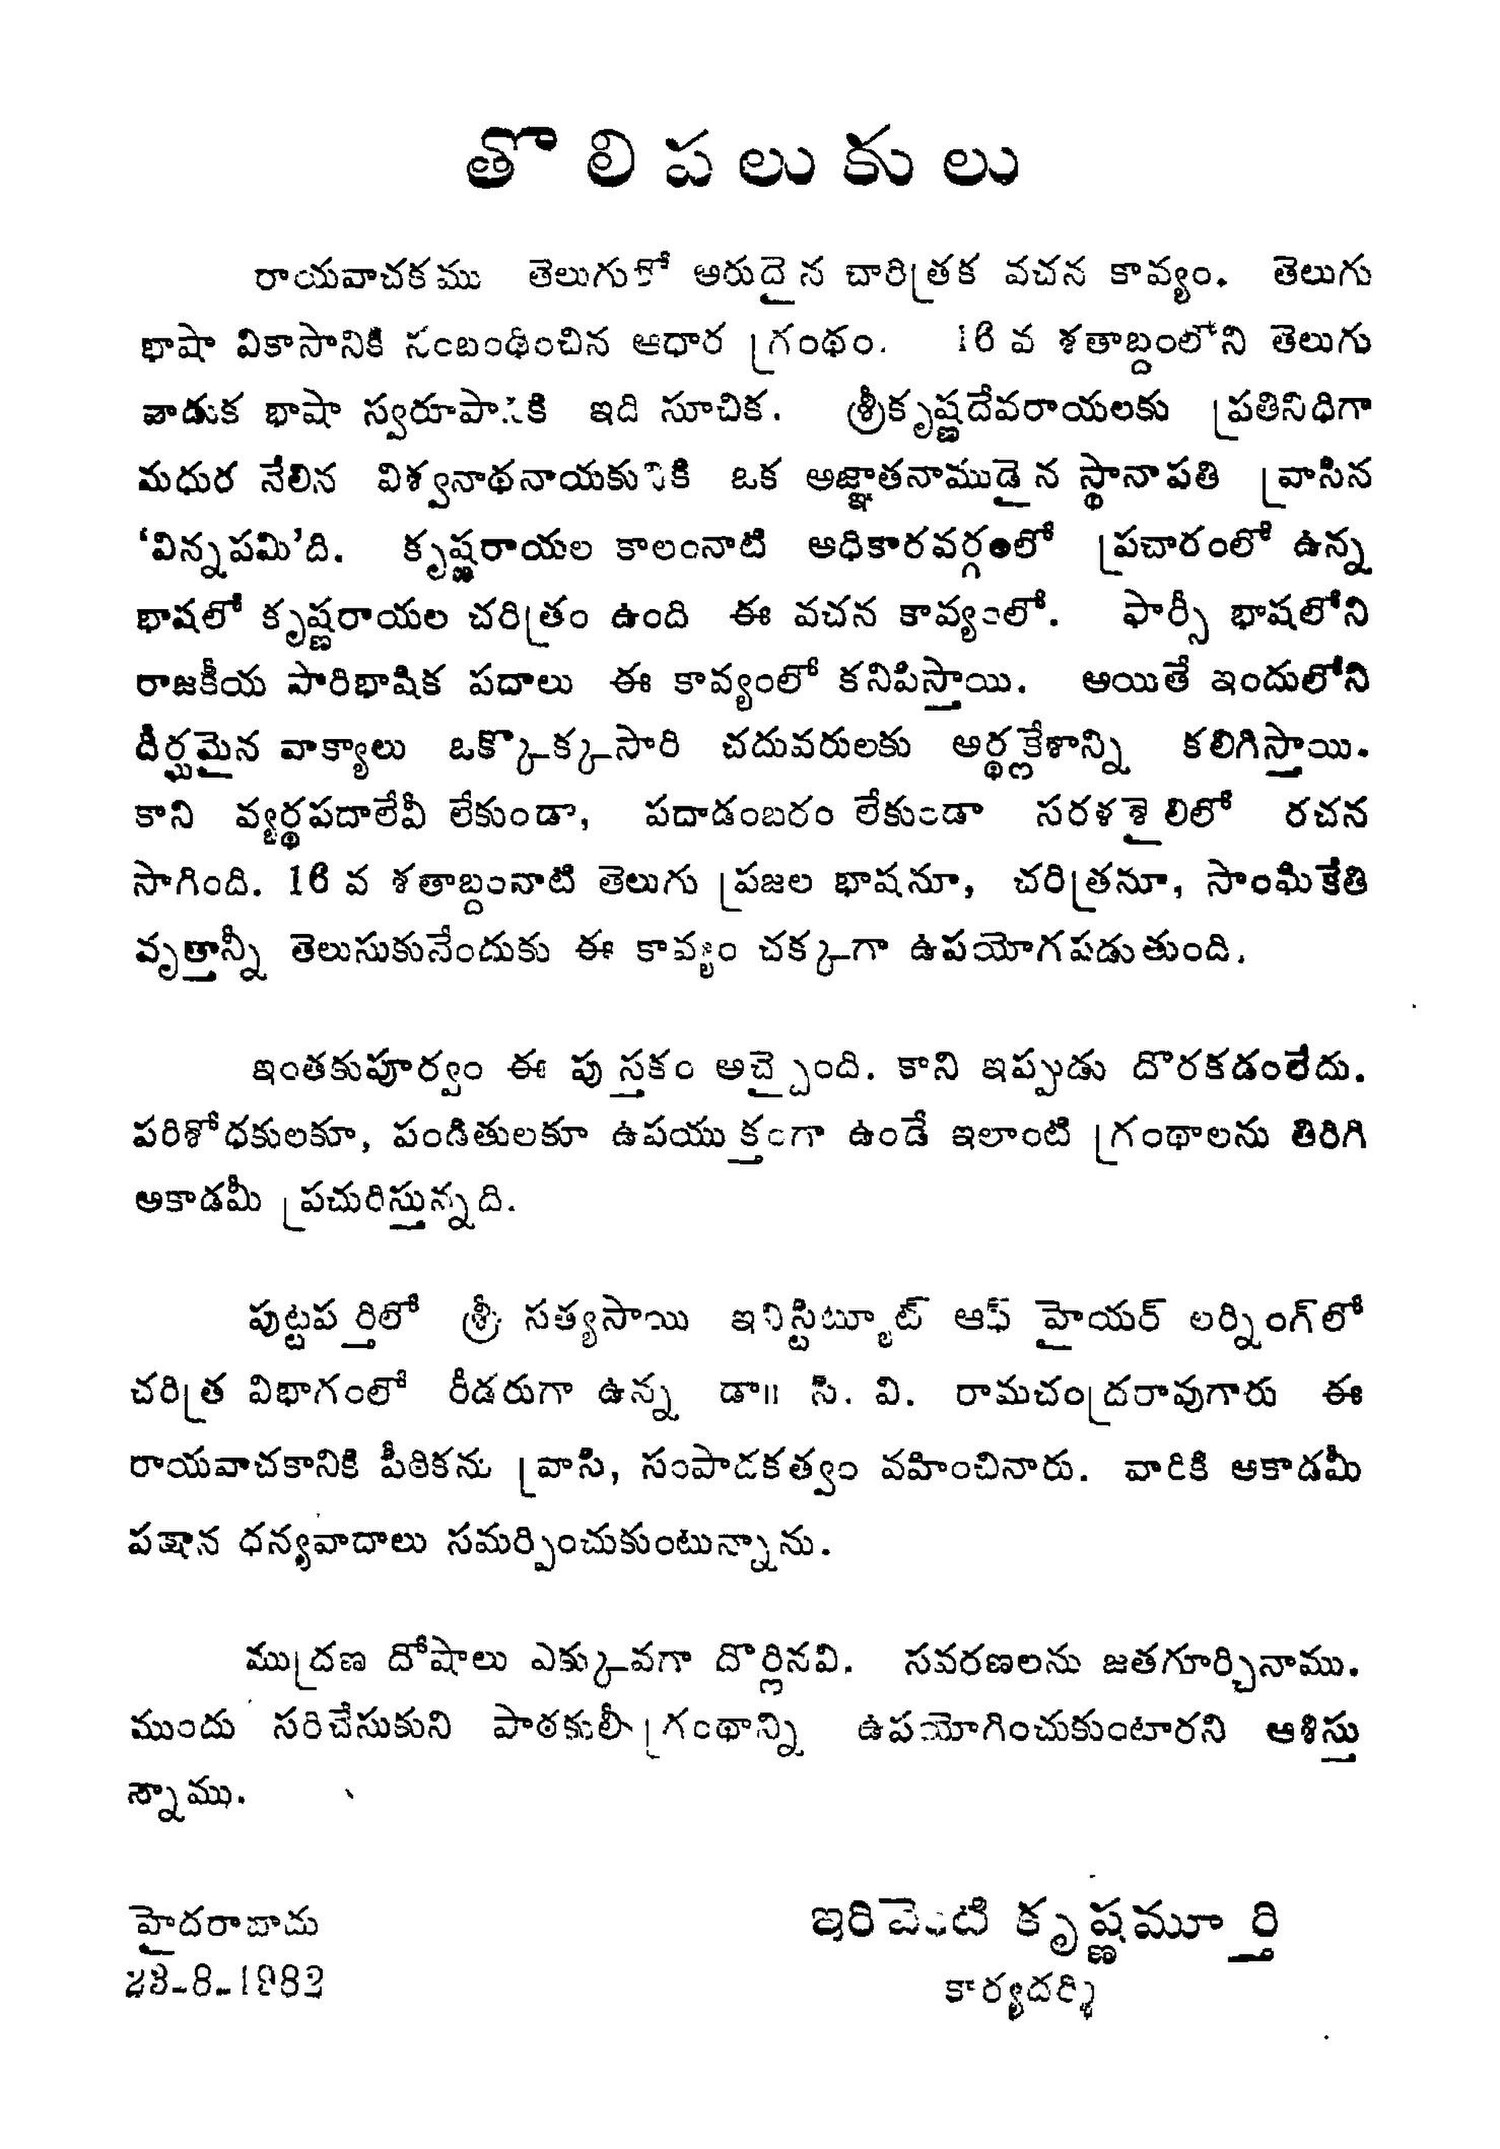తొలిపలుకులు
రాయవాచకము తెలుగులో అరుదైన చారిత్రక వచన కావ్యం. తెలుగుభాషా వికాసానికి సంబంధించిన ఆధార గ్రంథం. 16 వ శతాబ్దంలోని తెలుగు వాడుక భాషా స్వరూపానికి ఇది సూచిక. శ్రీకృష్ణదేవరాయలకు ప్రతినిధిగా మధుర నేలిన విశ్వనాథనాయకునికి ఒక అజ్ఞాతనాముడైన స్థానాపతి వ్రాసిన 'విన్నపమి'ది. కృష్ణరాయల కాలంనాటి అధికారవర్గంలో ప్రచారంలో ఉన్న భాషలో కృష్ణరాయల చరిత్రం ఉంది ఈ వచన కావ్యంలో. ఫార్సీ భాషలోని రాజకీయ పారిభాషిక పదాలు ఈ కావ్యంలో కనిపిస్తాయి. అయితే ఇందులోని
దీర్ఘమైన వాక్యాలు ఒక్కొక్కసారి చదువరులకు అర్థక్లేశాన్ని కలిగిస్తాయి. కాని వ్యర్థపదాలేవీ లేకుండా, పదాడంబరం లేకుండా సరళశైలిలో రచన సాగింది. 16 వ శతాబ్దంనాటి తెలుగు ప్రజల భాషనూ, చరిత్రనూ, సాంఘికేతివృత్తాన్నీ తెలుసుకునేందుకు ఈ కావ్యం చక్కగా ఉపయోగపడుతుంది.

ఇంతకుపూర్వం ఈ పుస్తకం అచ్చైంది. కాని ఇప్పుడు దొరకడంలేదు. పరిశోధకులకూ, పండితులకూ ఉపయుక్తంగా ఉండే ఇలాంటి గ్రంథాలను తిరిగి అకాడమీ ప్రచురిస్తున్నది.

పుట్టపర్తిలో శ్రీ సత్యసాయి ఇనిస్టిట్యూట్ ఆఫ్ హైయర్ లర్నింగ్లో చరిత్ర విభాగంలో రీడరుగా ఉన్న డా॥ సి. వి. రామచంద్రరావుగారు ఈ
రాయవాచకానికి పీఠికను వ్రాసి, సంపాదకత్వం వహించినారు. వారికి అకాడమీపక్షాన ధన్యవాదాలు సమర్పించుకుంటున్నాను.

ముద్రణ దోషాలు ఎక్కువగా దొర్లినవి. సవరణలను జతగూర్చినాము. ముందు సరిచేసుకుని పాఠకులీ గ్రంథాన్ని ఉపయోగించుకుంటారని ఆశిస్తున్నాము.